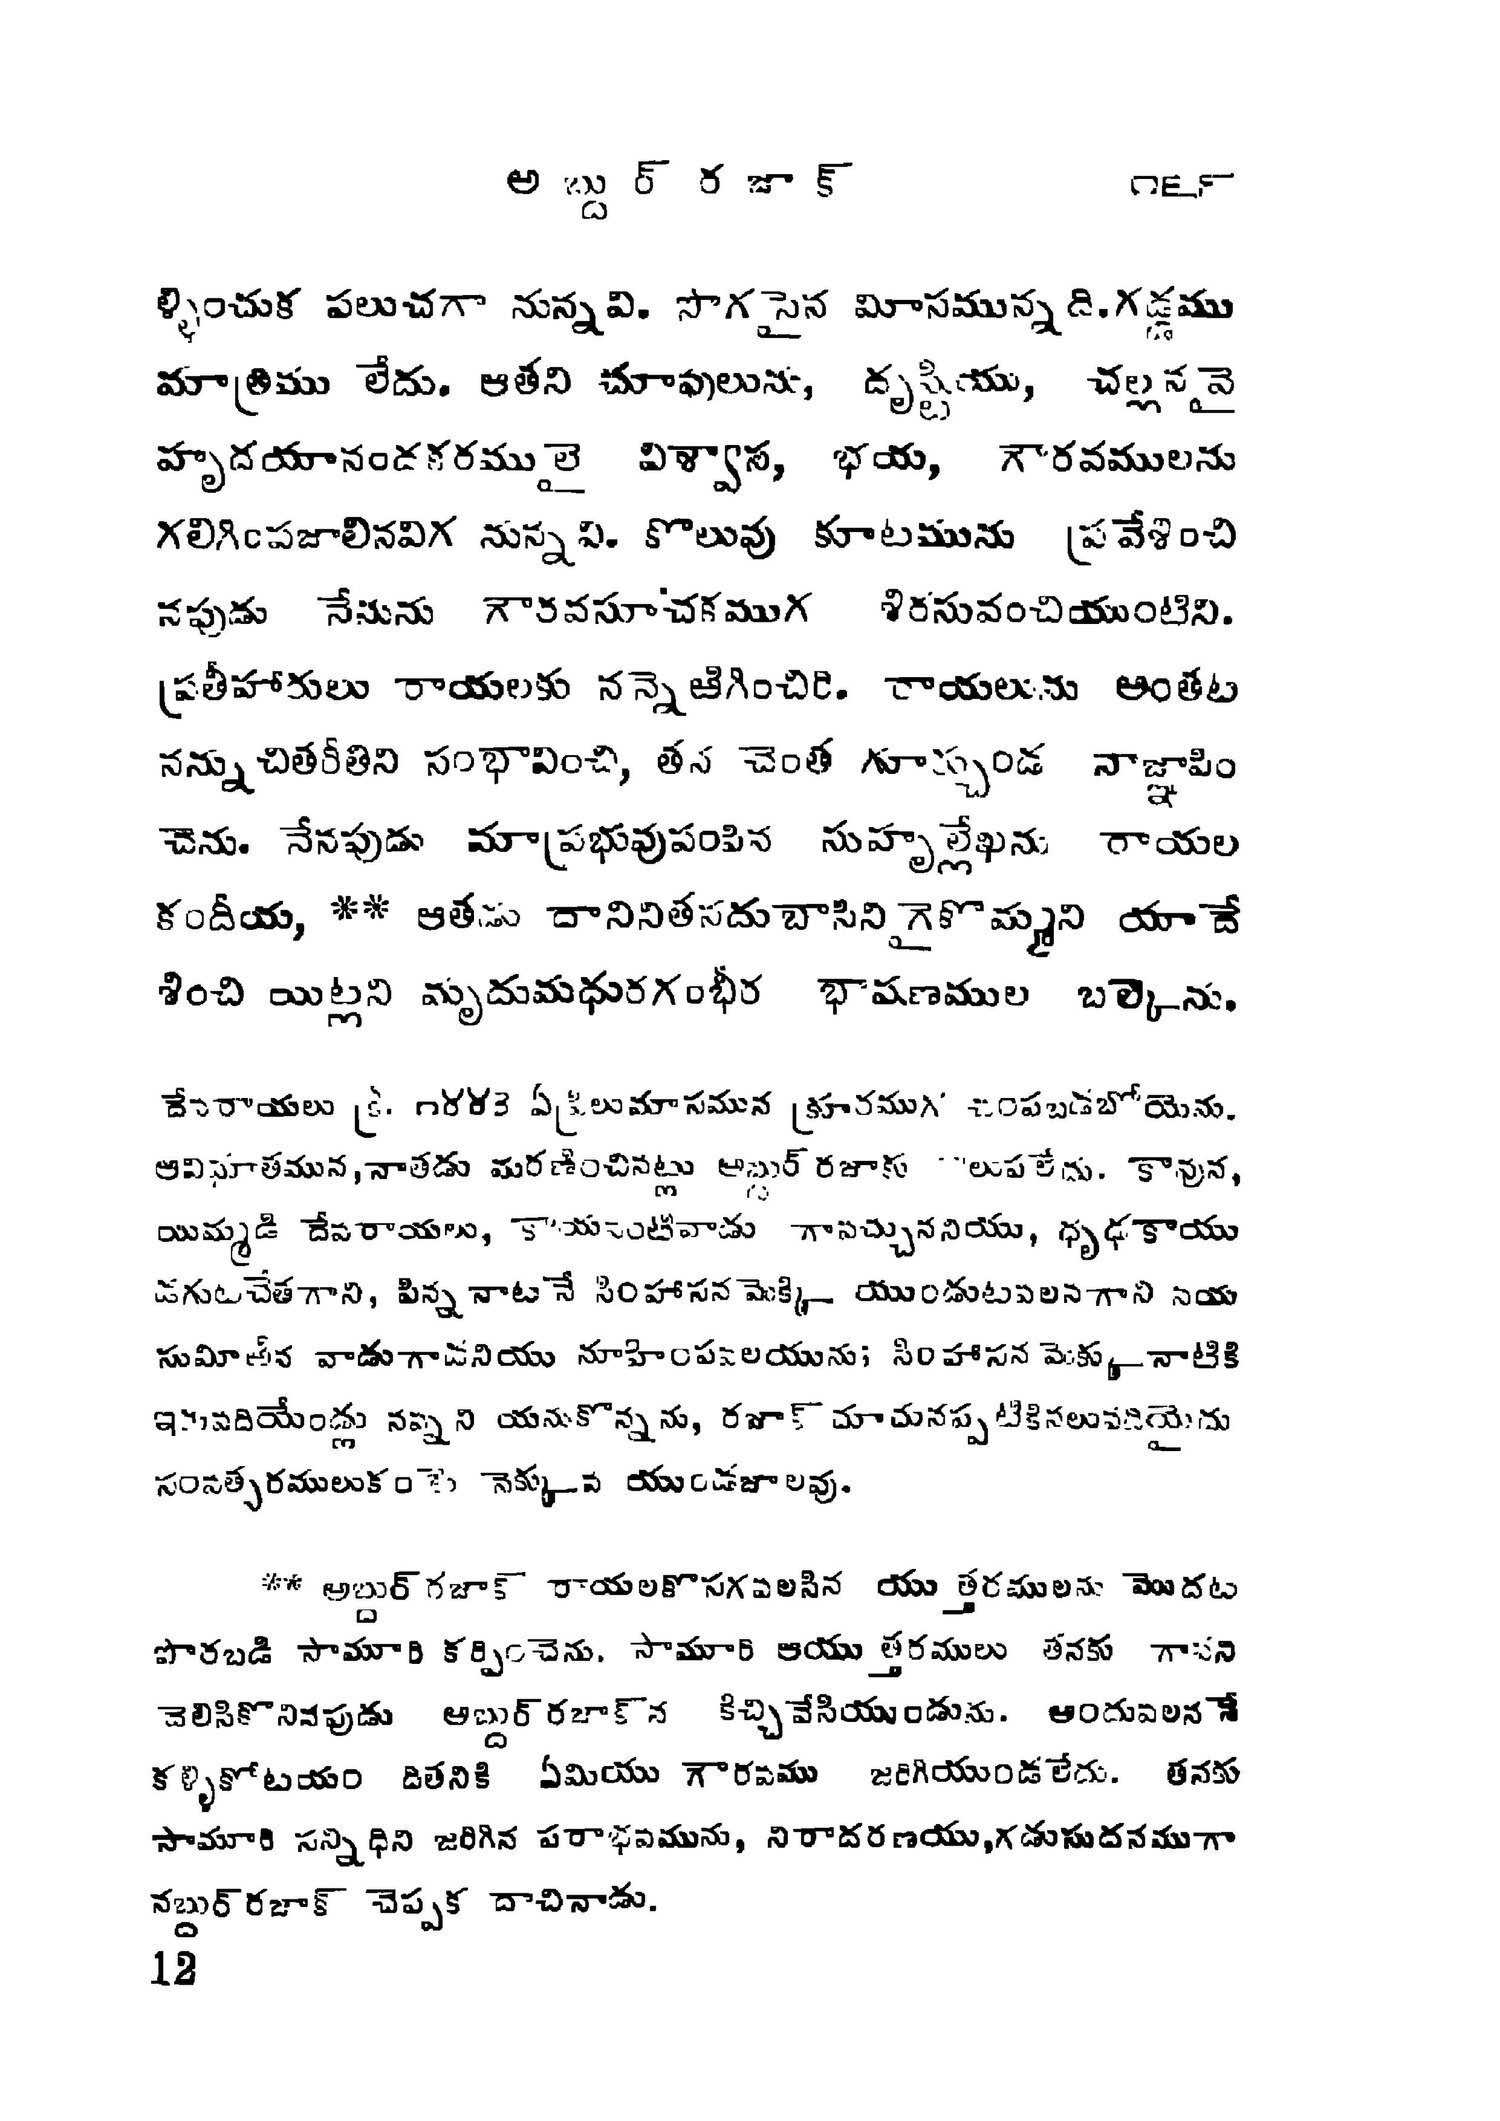ళ్ళించుక పలుచగా నున్నవి. సొగసైన మీసమున్నది. గడ్డము మాత్రము లేదు. ఆతని చూపులును, దృష్టియు, చల్లనవై హృదయానందకరములై విశ్వాస, భయ, గౌరవములను గలిగింపజాలినవిగ నున్నవి. కొలువు కూటమును ప్రవేశించినపుడు నేనును గౌరవసూచకముగ శిరసువంఛియుంటిని. ప్రతీహారులు రాయలకు నన్నెఱిగించిరి. రాయలును అంతట నన్నుచితరీతిని సంభావించి, తన చెంత గూర్చుండ నాజ్ఞాపించెను. నేనపుడు మాప్రభువుపంపిన నుహృల్లేఖను రాయల కందీయ, ఆతడు దానినితసదుబాసినిగైకొమ్మని యాదేశించి యిట్లని మృదుమధురగంభీర భాషనముల బల్కెను.